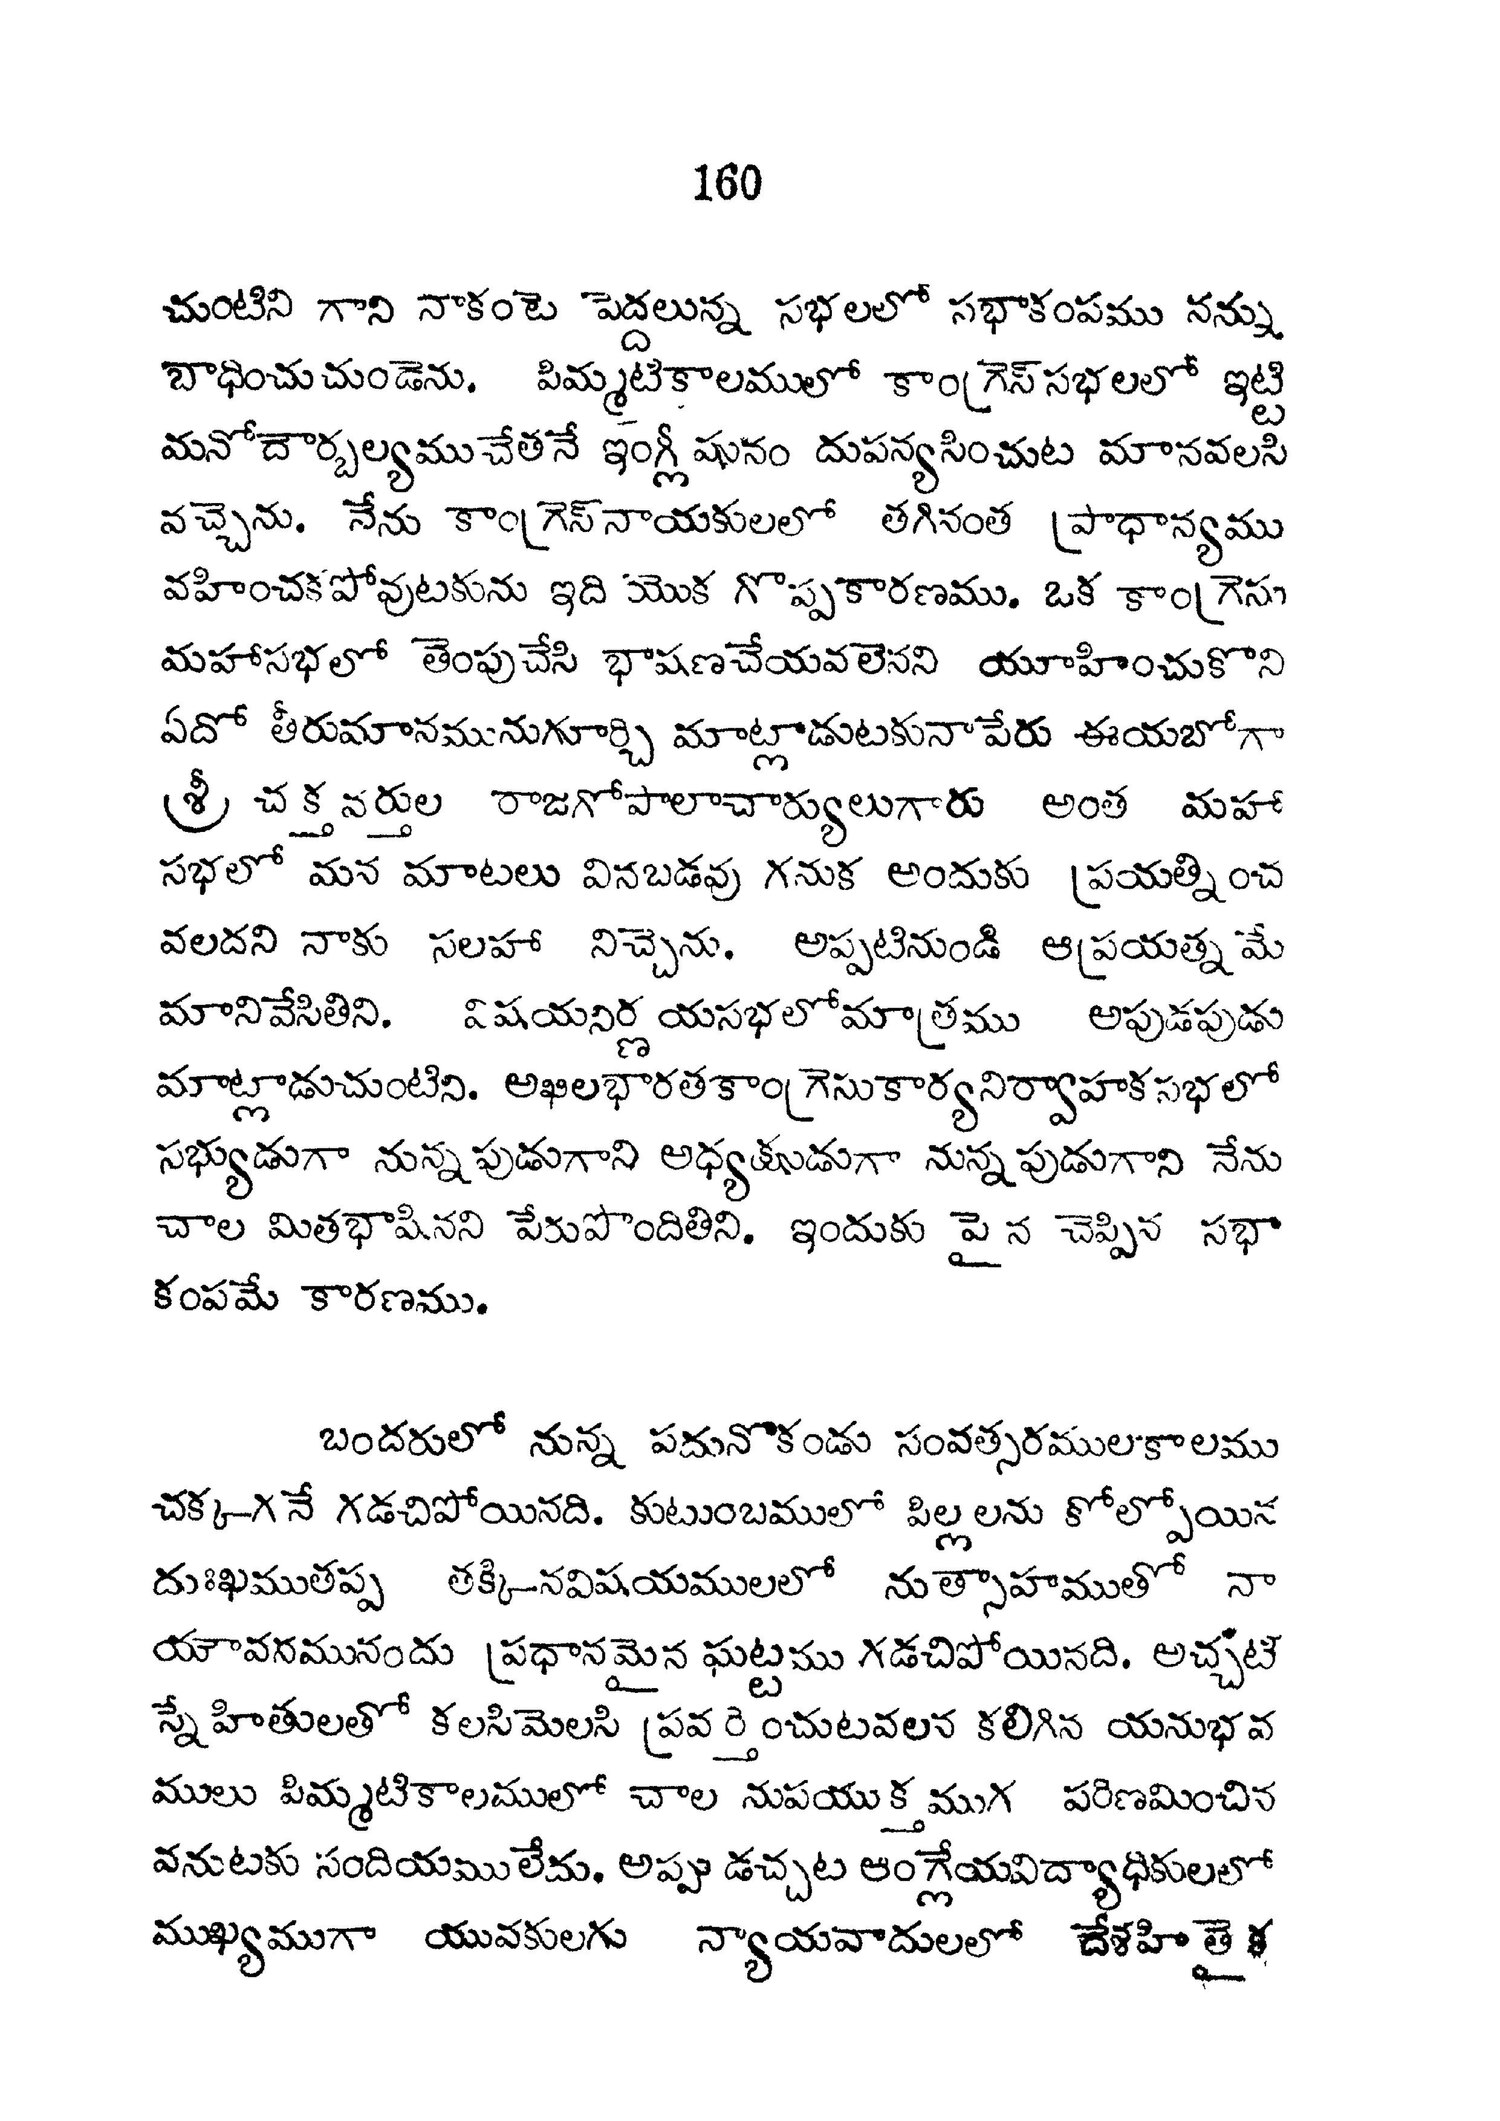చుంటిని గాని నాకంటె పెద్దలున్న సభలలో సభాకంపము నన్నుబాధించుచుండెను. పిమ్మటికాలములో కాంగ్రెస్‌సభలలో ఇట్టి మనోదౌర్బల్యముచేతనే ఇంగ్లీషునం దుపన్యసించుట మానవలసివచ్చెను. నేను కాంగ్రెస్‌నాయకులలో తగినంత ప్రాధాన్యము వహించకపోవుటకును ఇది యొక గొప్పకారణము. ఒక కాంగ్రెసు మహాసభలో తెంపుచేసి భాషణచేయవలెనని యూహించుకొని ఏదో తీరుమానమునుగూర్చి మాట్లాడుటకునాపేరు ఈయబోగా శ్రీ చక్తవర్తుల రాజగోపాలాచార్యులుగారు అంత మహాసభలో మన మాటలు వినబడవు గనుక అందుకు ప్రయత్నించవలదని నాకు సలహా నిచ్చెను. అప్పటినుండి ఆప్రయత్నమే మానివేసితిని. విషయనిర్ణయసభలోమాత్రము అపుడపుడు మాట్లాడుచుంటిని. అఖిలభారతకాంగ్రెసుకార్యనిర్వాహకసభలో సభ్యుడుగా నున్నపుడుగాని అధ్యక్షుడుగా నున్నపుడుగాని నేను చాల మితభాషినని పేరుపొందితిని. ఇందుకు పైన చెప్పిన సభాకంపమే కారణము.

బందరులో నున్న పదునొకండు సంవత్సరములకాలము చక్కగనే గడచిపోయినది. కుటుంబములో పిల్లలను కోల్పోయిన దు:ఖముతప్ప తక్కినవిషయములలో నుత్సాహముతో నా యౌవనమునందు ప్రధానమైన ఘట్టము గడచిపోయినది. అచ్చటి స్నేహితులతో కలసిమెలసి ప్రవర్తించుటవలన కలిగిన యనుభవములు పిమ్మటికాలములో చాల నుపయుక్తముగ పరిణమించిన వనుటకు సందియములేదు. అప్పుడచ్చట ఆంగ్లేయవిద్యాధికులలో ముఖ్యముగా యువకులగు న్యాయవాదులలో దేశహితైక